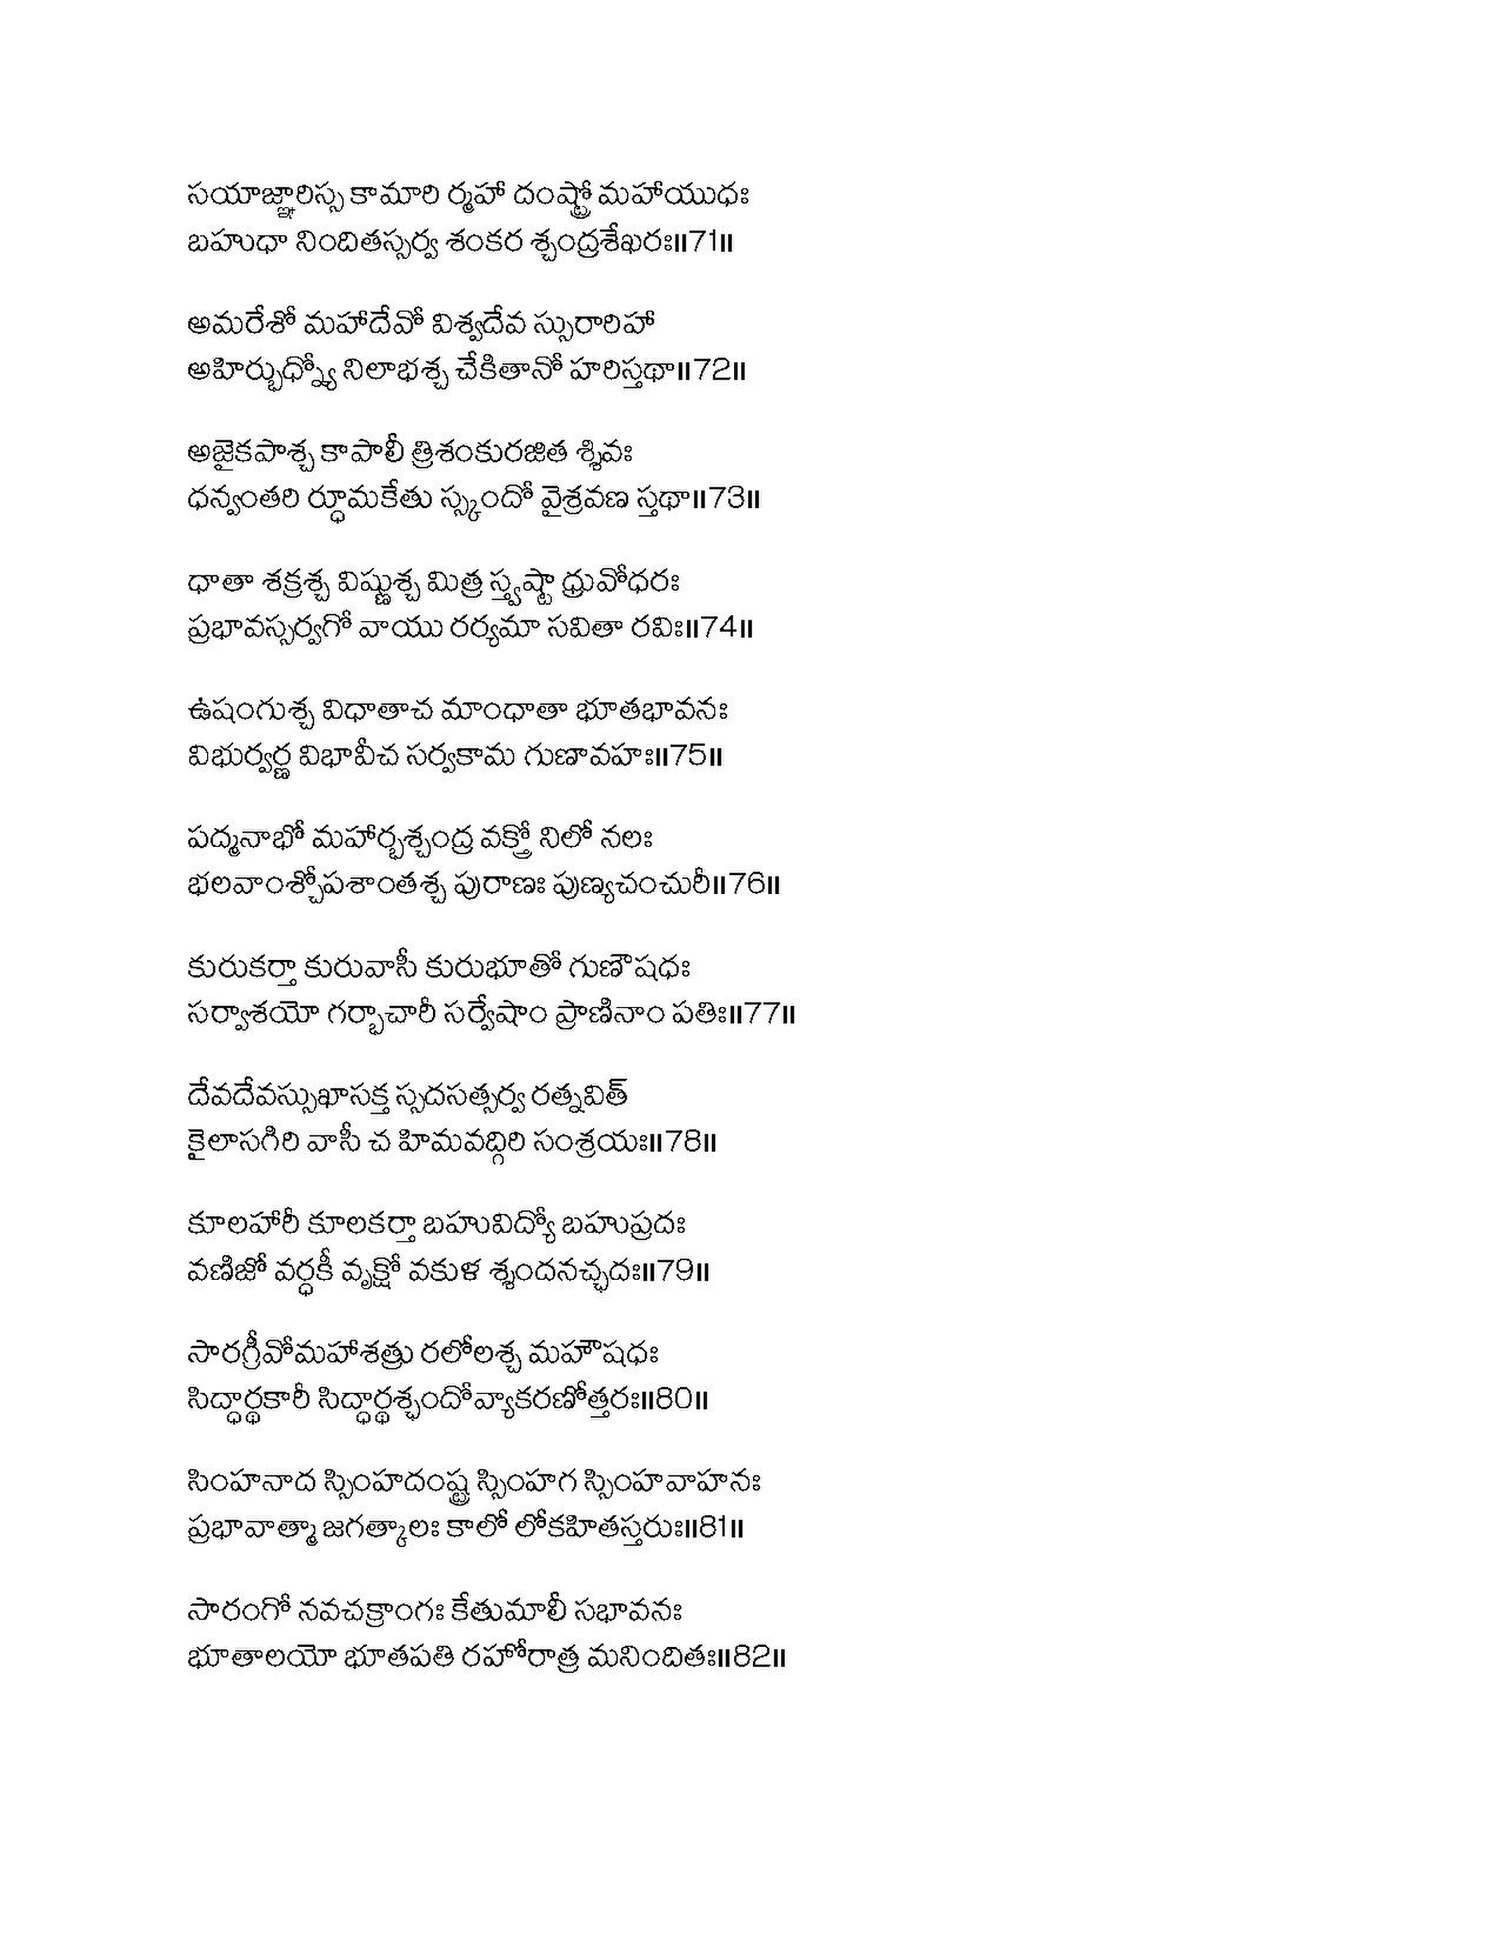సయాజ్ఞారిస్సకామారి ర్మహా దంష్ట్రోమహాయుధః
బహుధా నిందితస్సర్వ శంకర శ్చంద్రశేఖరః||71|| 

అమరేశో మహాదేవో విశ్వదేవ స్సురారిహా
అహిర్భుధ్న్యో నిలాభశ్చ చేకితానో హరిస్తథా|| 72||

అజైకపాశ్చ కాపాలీ త్రిశంకురజిత శ్శివః
ధన్వంతరి ర్ధూమకేతు స్స్కందో వైశ్రవణ స్తథా ||73||

ధాతా శక్రశ్చ విష్ణుశ్చ మిత్ర స్త్వష్టా ధ్రువోధరః
ప్రభావస్సర్వగో వాయు రర్యమా సవితా రవిః ||74||

ఉషంగుశ్చ విధాతాచ మాంధాతా భూతభావనః
విభుర్వర్ణ విభావీచ సర్వకామ గుణావహః||75||

పద్మనాభో మహార్భశ్చంద్ర వక్త్రో నిలో నలః
భలవాంశ్చోపశాంతశ్చ పురాణః పుణ్యచంచురీ||76||

కురుకర్తా కురువాసీ కురుభూతో గుణౌషధః
సర్వాశయో గర్భాచారీ సర్వేషాం ప్రాణినాం పతిః||77||

దేవదేవస్సుఖాసక్త స్సదసత్సర్వ రత్నవిత్
కైలాసగిరి వాసీ చ హిమవద్గిరి సంశ్రయః||78||

కూలహారీ కూలకర్తా బహువిద్యో బహుప్రదః
వణిజో వర్ధకీ వృక్షో వకుళ శృందనచ్ఛదః||79||

సారగ్రీవోమహాశత్రు రలోలశ్చ మహౌషధః
సిద్ధార్థకారీ సిద్ధార్థశ్చందోవ్యాకరణోత్తరః||80||

సింహనాద స్సింహదంష్ట్ర స్సింహగ స్సింహవాహనః
ప్రభావాత్మా జగత్కాలః కాలో లోకహితస్తరుః||81||

సారంగో నవచక్రాంగః కేతుమాలీ సభావనః
భూతాలయో భూతపతి రహోరాత్ర మనిందితః|| 82||